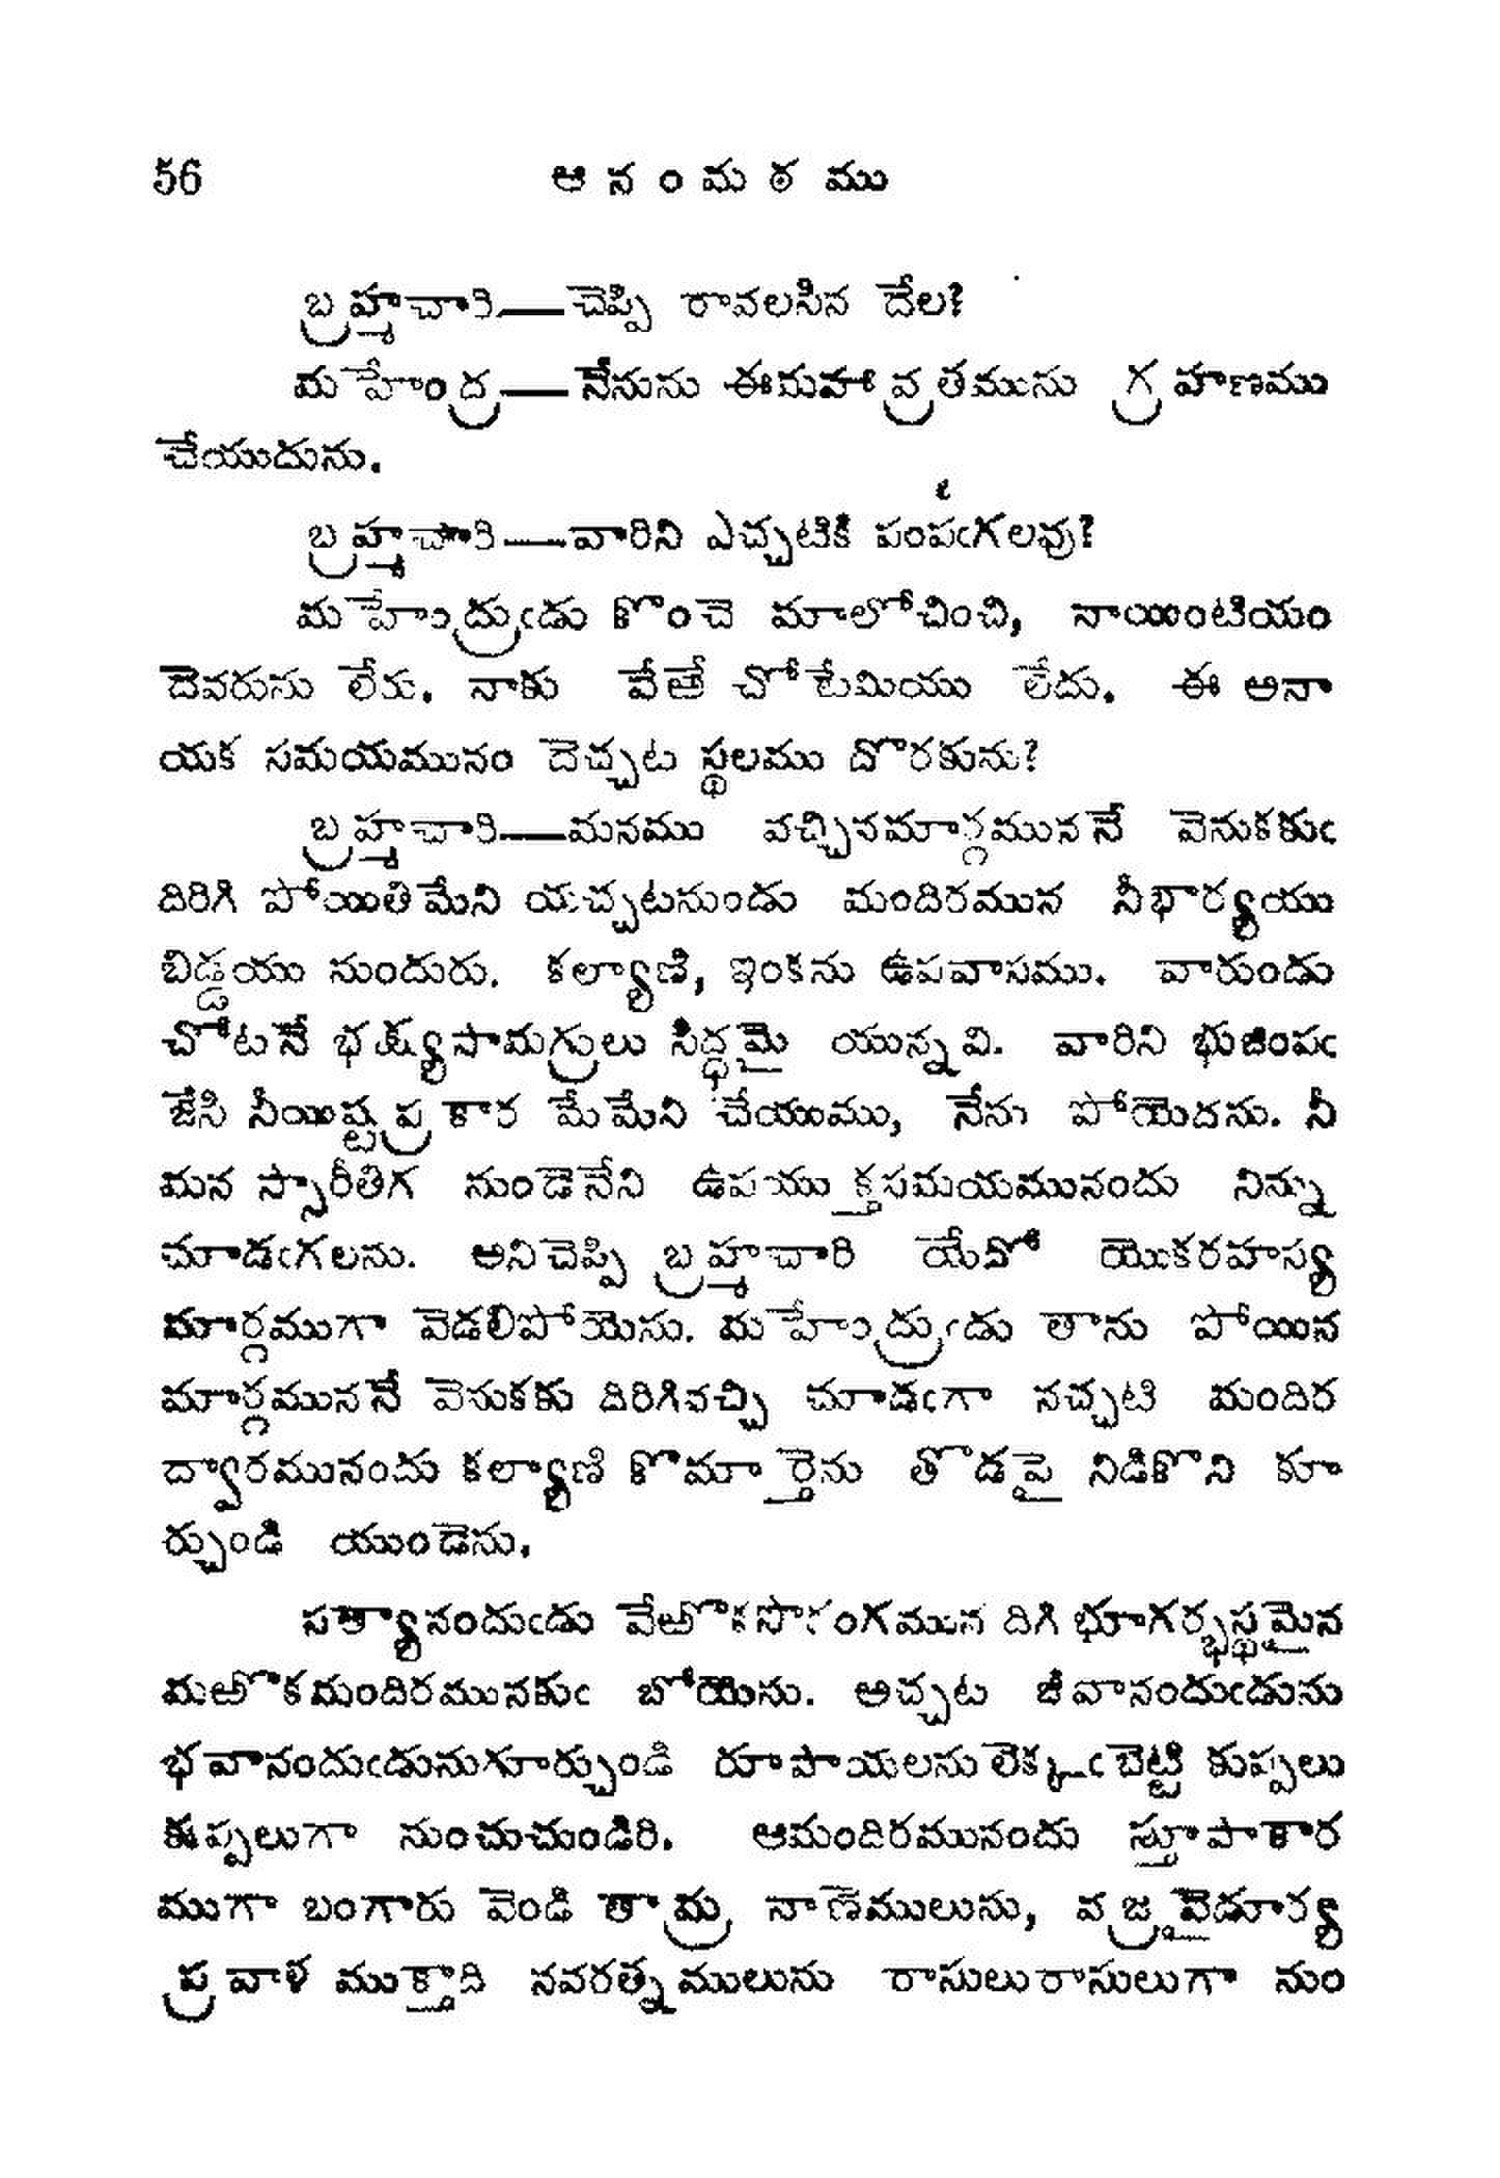బ్రహ్మచారి —— చెప్పి రావలసిన దేల?

మహేంద్ర —— నేనును ఈమహా వ్రతమును గ్రహణము చేయుదును.

బ్రహ్మచారి—— వారిని ఎచ్చటికి పంపగలవు ?

మహేంద్రుఁడు కొంచె మాలోచించి, నాయింటియం దెవరును లేరు. నాకు వేఱే చోటేమియు లేదు. ఈ అనాయక సమయమునం దెచ్చట స్థలము దొరకును?

బ్రహ్మచారి—— మనము వచ్చిన మార్గమున నే వెనుకకుఁ దిరిగి పోయితి మేని యచ్చటనుండు మందిరమున నీ భార్యయు బిడ్డయు నుందురు. కల్యాణి, ఇంకను ఉపవాసము, వారుండు చోటనే భక్ష్య సామగ్రులు సిద్ధమై యున్నవి. వారిని భుజింపజేసి నీయిష్ట ప్రకారమే మేని చేయుము, నేను పోయెదను. నీ మనస్సారీతిగ నుండెనేని ఉపయుక్తసమయమునందు నిన్ను చూడఁగలను. అని చెప్పి బ్రహచారి యేదో యొక రహస్యమార్గముగా వెడలిపోయెను. మహేంద్రుడు తాను పోయిన మార్గమున నే వెనుకకు దిరిగివచ్చి చూడఁగా నచ్చటి మందిర ద్వారమునందు కల్యాణి కొమార్తెను తొడపై నిడికొని కూర్చుండి యుండెను.

సత్యానందుఁడు వేఱోకసొగంగమున దిగి భూగర్భస్థమైన మఱోకమందిరమునకుఁ బోయెను. అచ్చట జీవానందుఁడును భవానందుఁడును గూర్చుండి రూపాయలను లెక్కఁ పెట్టి కుప్పలుకుప్పలుగా నుంచుచుండిరి. ఆమందిరమునందు స్తూపాకారముగా బంగారు వెండి 
తామ్ర, నాణెములును, వజ్ర వైడూర్య ప్రవాళ ముక్తాది నవరత్నములును రాసులు రాసులుగా నుం